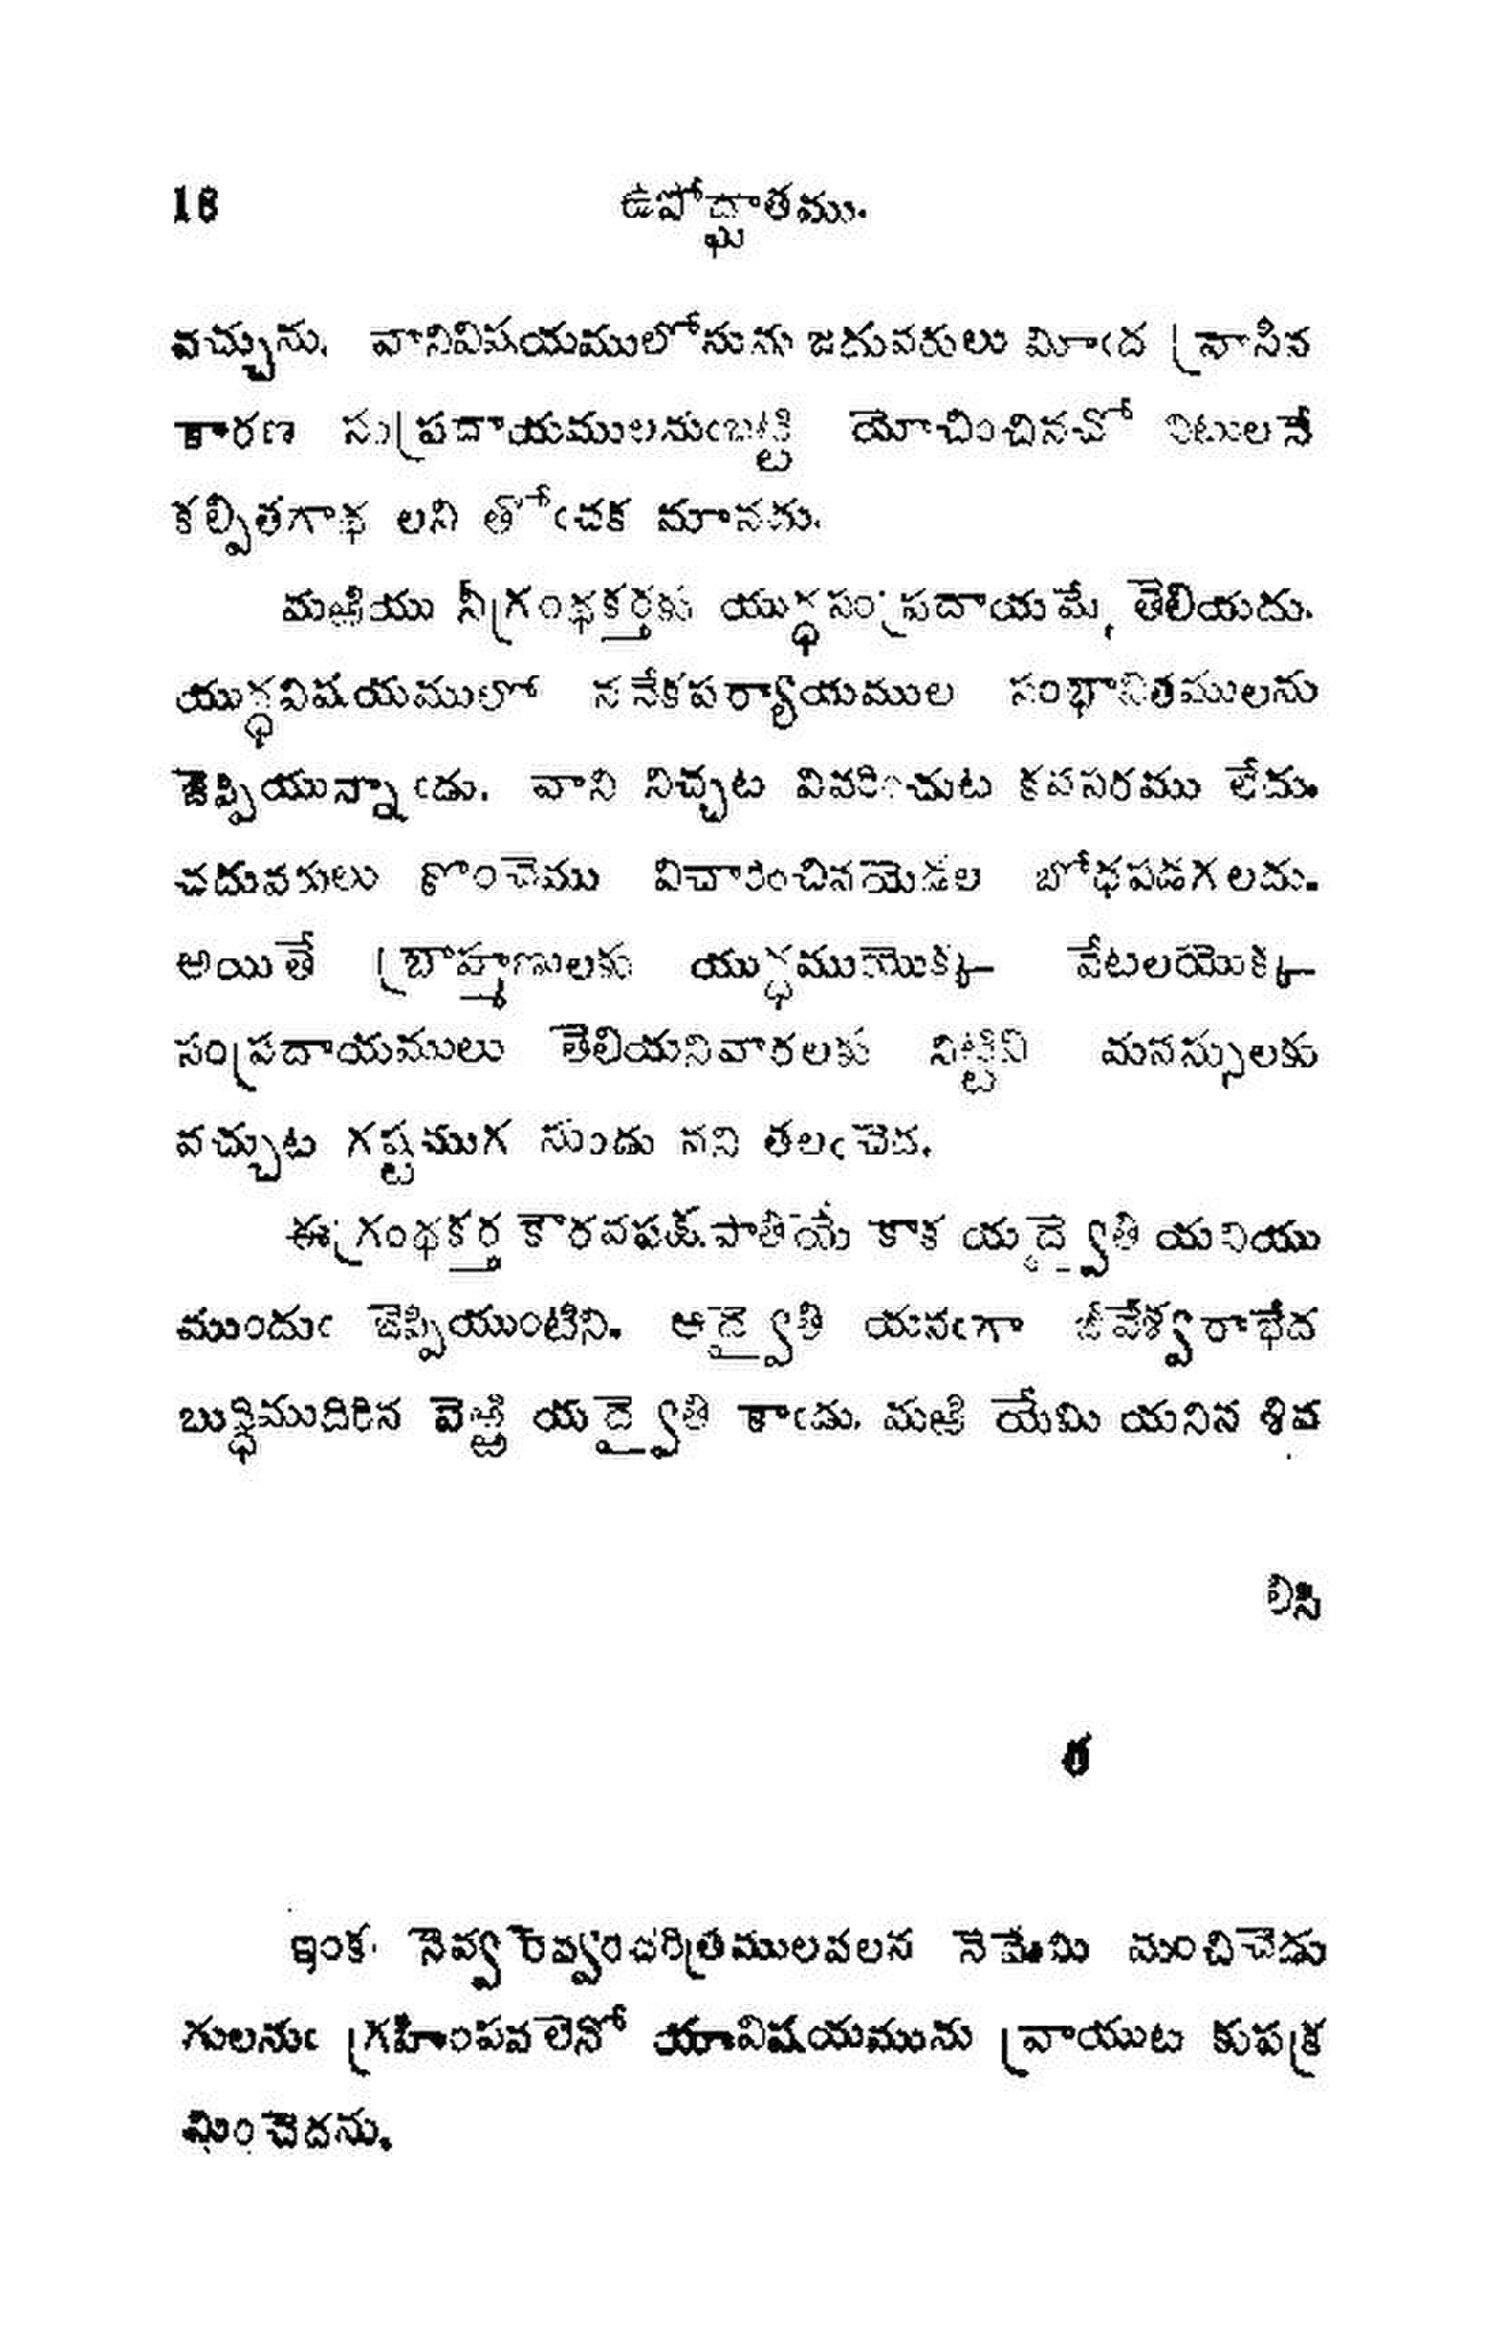వచ్చును. వానివిషయములోనును జదువరులు మీఁద వ్రాసిన కారణ సంప్రదాయములనుఁబట్టి యోచించినచో నిటులనే కల్పితగాథ లని తోఁచక మానదు.

మఱియు నీగ్రంథకర్తకు యుద్ధసంప్రదాయమే, తెలియదు. యుద్ధవిషయములో ననేకపర్యాయముల సంభావితములను జెప్పియున్నాఁడు. వాని నిచ్చట వివరించుట కవసరము లేదు. చదువరులు కొంచెము విచారించినయెడల బోధపడగలదు. అయితే బ్రాహ్మణులకు యుద్ధముయొక్క వేటలయొక్క
సంప్రదాయములు తెలియనివారలకు నిట్టివి మనస్సులకు వచ్చుట గష్టముగ నుండు నని తలఁచెద.

ఈగ్రంథకర్త కౌరవపక్షపాతీయే కాక యద్వైతి యనియు ముందుఁ చెప్పియుంటిని, అద్వైతి యనఁగా జీవేశ్వరాభేద బుద్ధిముదిరిన వెఱ్ఱి యద్వైతి కాఁడు. మఱి యేమి యనిన శివ

ఇంక నెవ్వరెవ్వరిచరిత్రములవలన నేమేమి మంచిచెడుగులనుఁ గ్రహింపవలెనో యావిషయమును వ్రాయుట కుపక్రమించెదను,